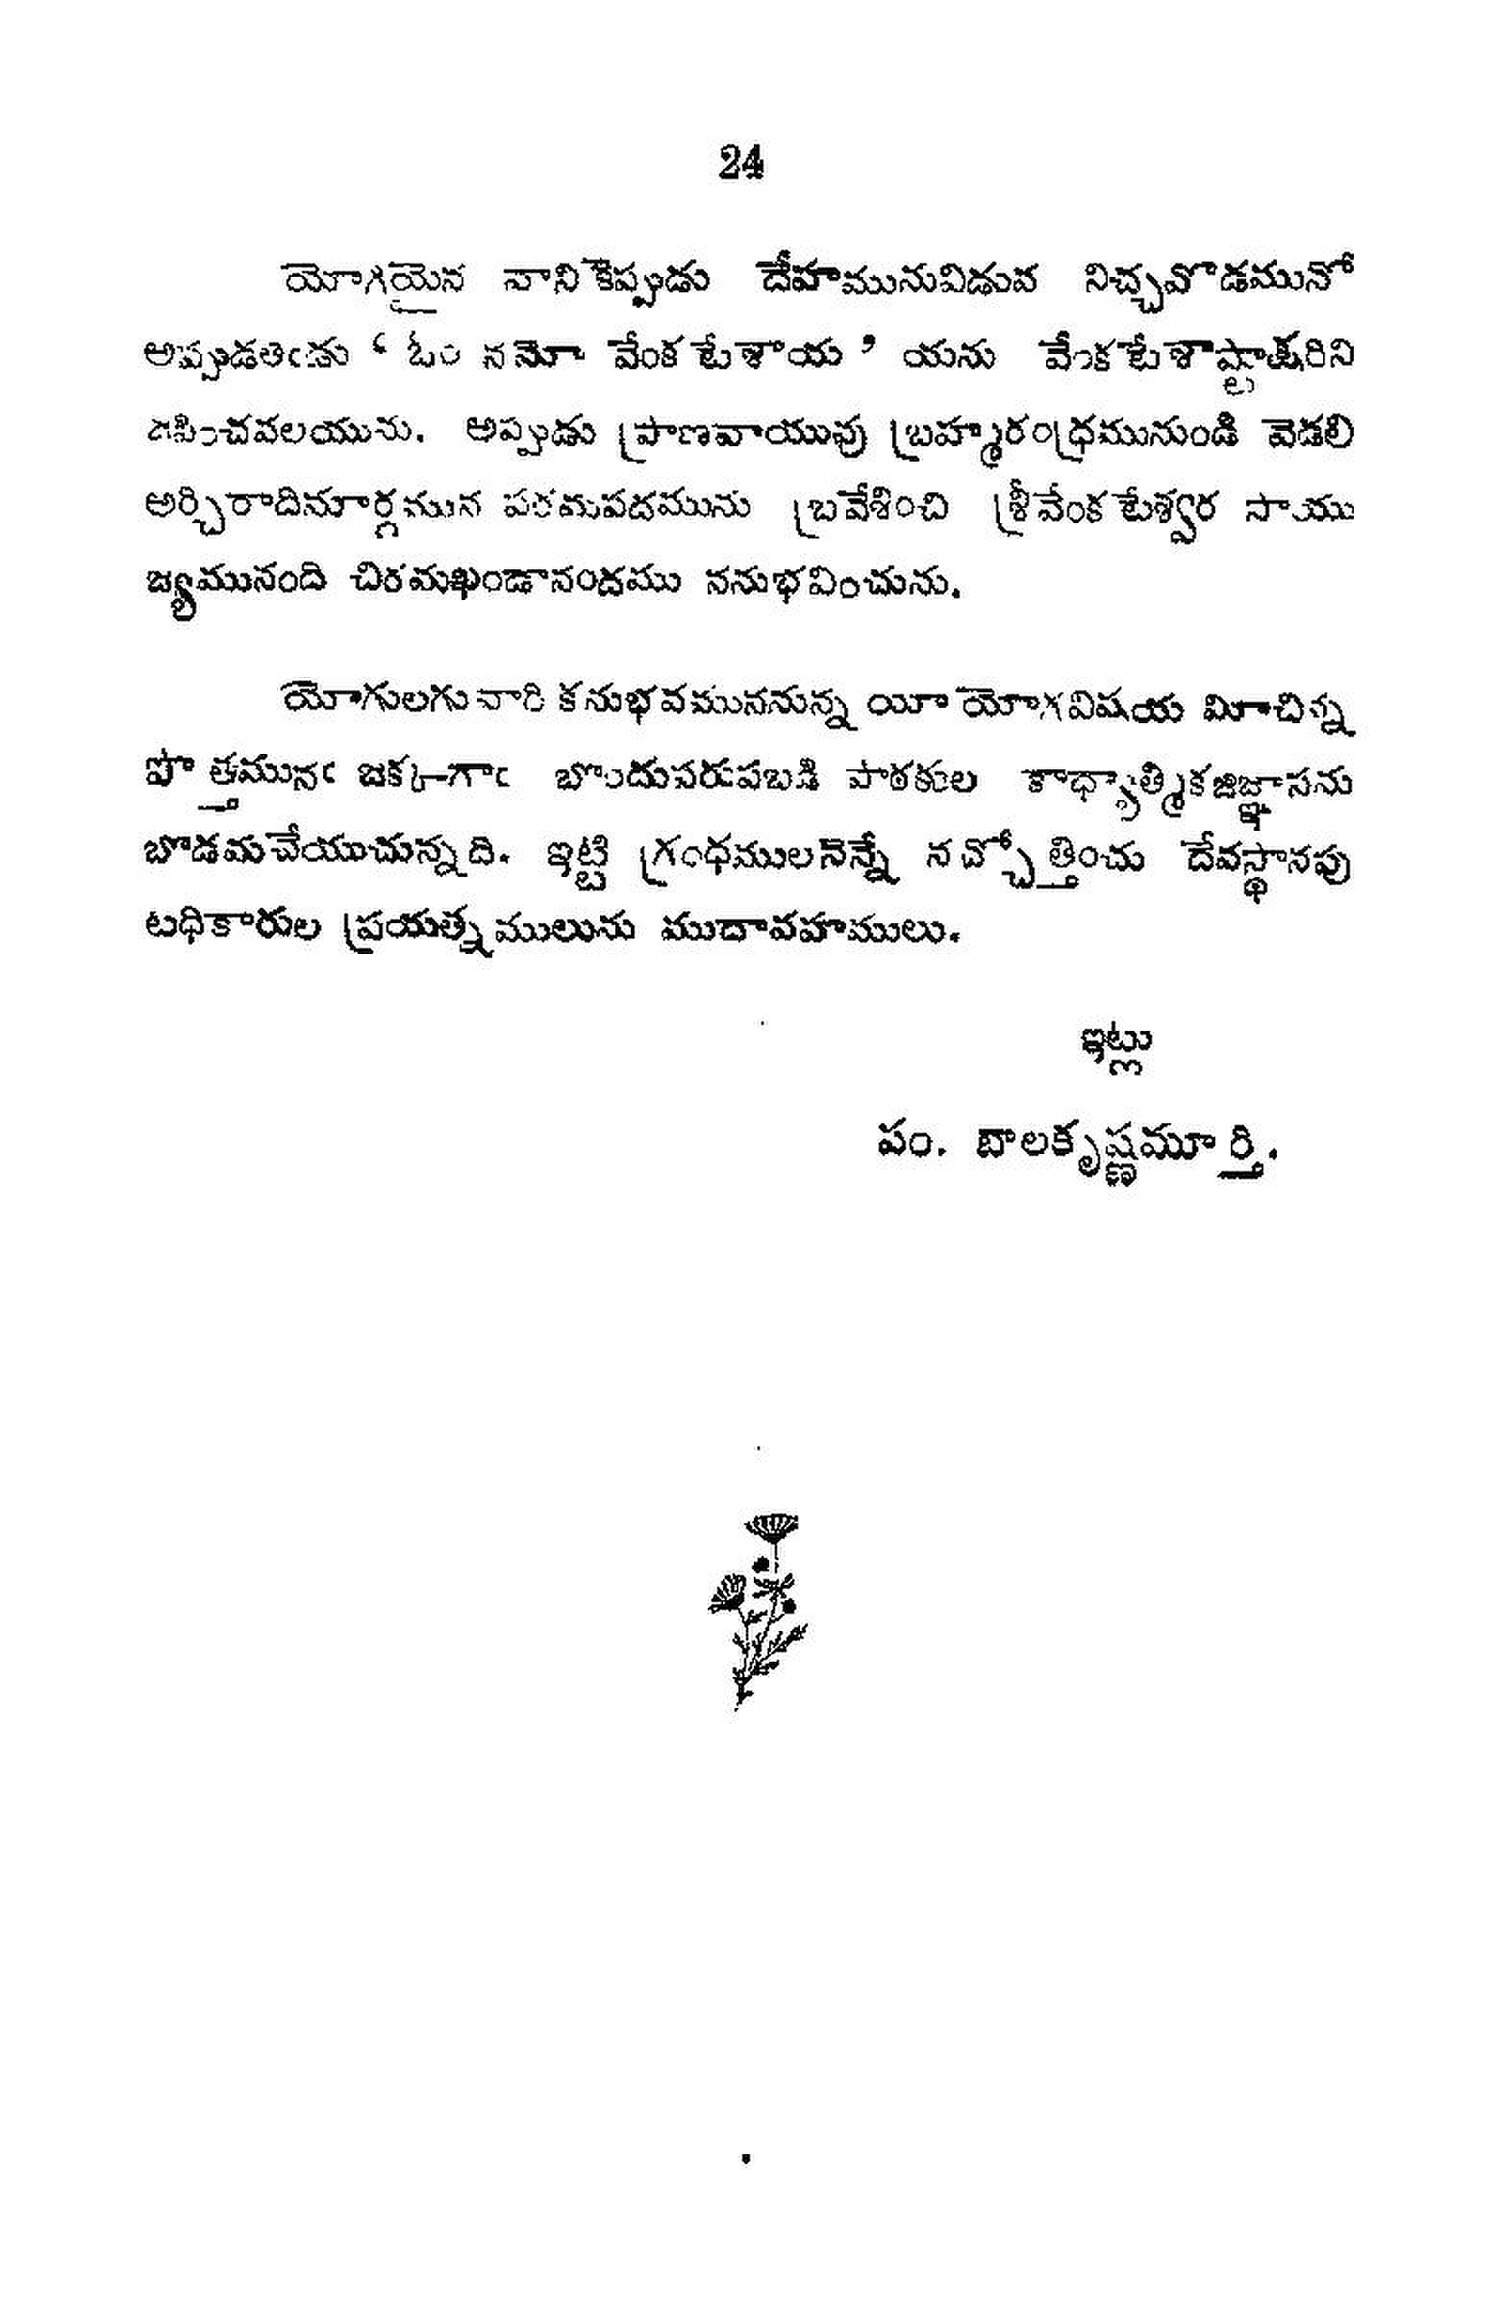యోగి యైనవాని కెప్పుడు దేహమును విడువ నిచ్చ వొడమునో అప్పుడతఁడు 'ఓం నమో వేంకటేశాయ' యను వేంకటేశాష్టాక్షరిని జపించవలయును. అప్పుడు ప్రాణవాయువు బ్రహ్మరంధ్రమునుండి వెడలి అర్చిరాదిమార్గమున పరమపదమును బ్రవేశించి శ్రీవేంకటేశ్వరసాయుజ్యము నంది చిరమఖండానందము ననుభవించును.

యోగు లగువారి కనుభవముననున్న యీయోగవిషయ మీచిన్నపొత్తమునఁ జక్కగాఁ బొందుపరుపబడి పాఠకుల కాధ్యాత్మికజిజ్ఞాసను బొడమచేయుచున్నది. ఇట్టి గ్రంథముల నెన్నే నచ్చొత్తించు దేవస్థానపుటధికారులప్రయత్నములును ముదావహములు.